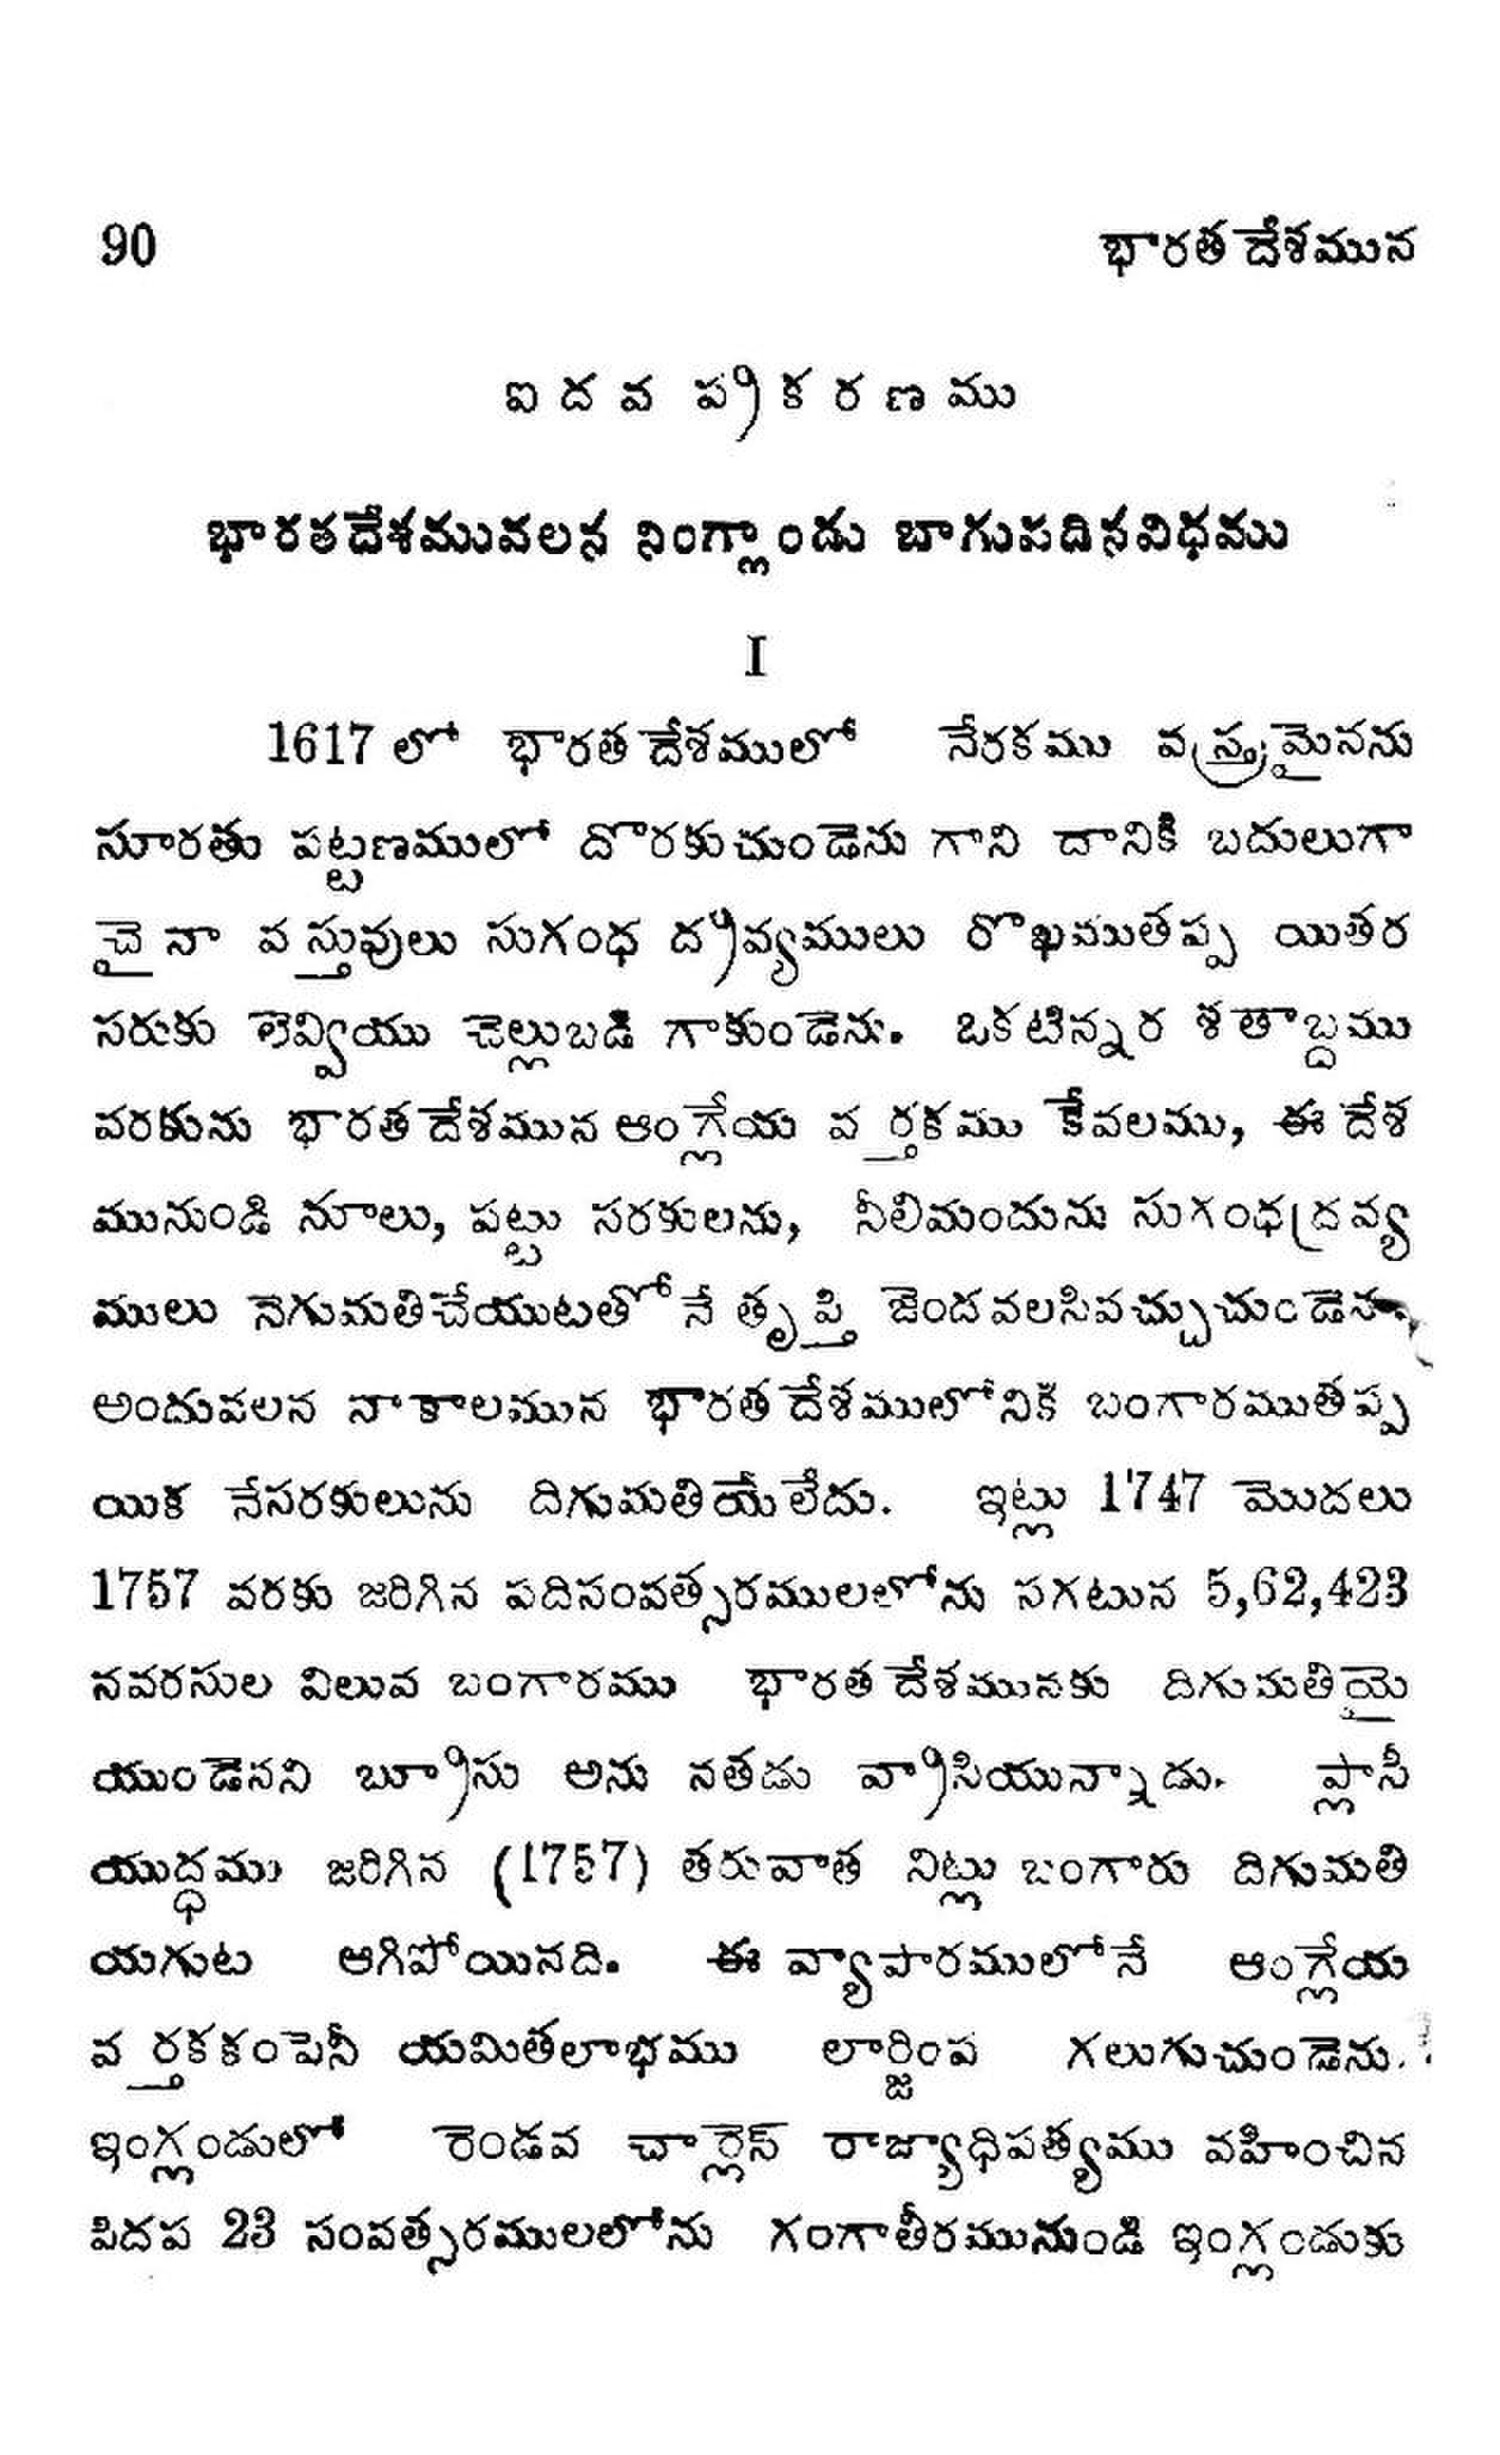ఐదవ ప్రకరణము 
భారతదేశమువలన నింగ్లాండు బాగుపడినవిధము
I

1617 లో భారతదేశములో నేరకము వస్త్రమైనను సూరతు పట్టణములో దొరకుచుండెను గాని దానికి బదులుగా
చైనా వస్తువులు సుగంధ ద్రవ్యములు రొఖముతప్ప యితర సరుకు లెవ్వియు చెల్లుబడి గాకుండెను. ఒకటిన్నర శతాబ్దము వరకును భారతదేశమున ఆంగ్లేయ వర్తకము కేవలము, ఈ దేశమునుండి నూలు, పట్టు సరకులను, నీలిమందును సుగంధద్రవ్యములు నెగుమతిచేయుటతోనే తృప్తి జెందవలసివచ్చుచుండెను, అందువలన నాకాలమున భారతదేశములోనికి బంగారముతప్ప యిక నేసరకులును దిగుమతియేలేదు. ఇట్లు 1747 మొదలు 1757 వరకు జరిగిన పదిసంవత్సరములలోను సగటున 5,62,423 నవరసుల విలువ బంగారము భారతదేశమునకు దిగుమతియై యుండెనని బ్రూసు అను నతడు వ్రాసియున్నాడు. ప్లాసీ యుద్ధము జరిగిన (1757) తరువాత నిట్లు బంగారు దిగుమతి యగుట ఆగిపోయినది. ఈ వ్యాపారములోనే ఆంగ్లేయ వర్తకకంపెనీ యమితలాభము లార్జింప గలుగుచుండెను. . ఇంగ్లండులో రెండవ చార్లెస్ రాజ్యాధిపత్యము వహించిన పిదప 23 సంవత్సరములలోను గంగాతీరమునుండి ఇంగ్లండుకు